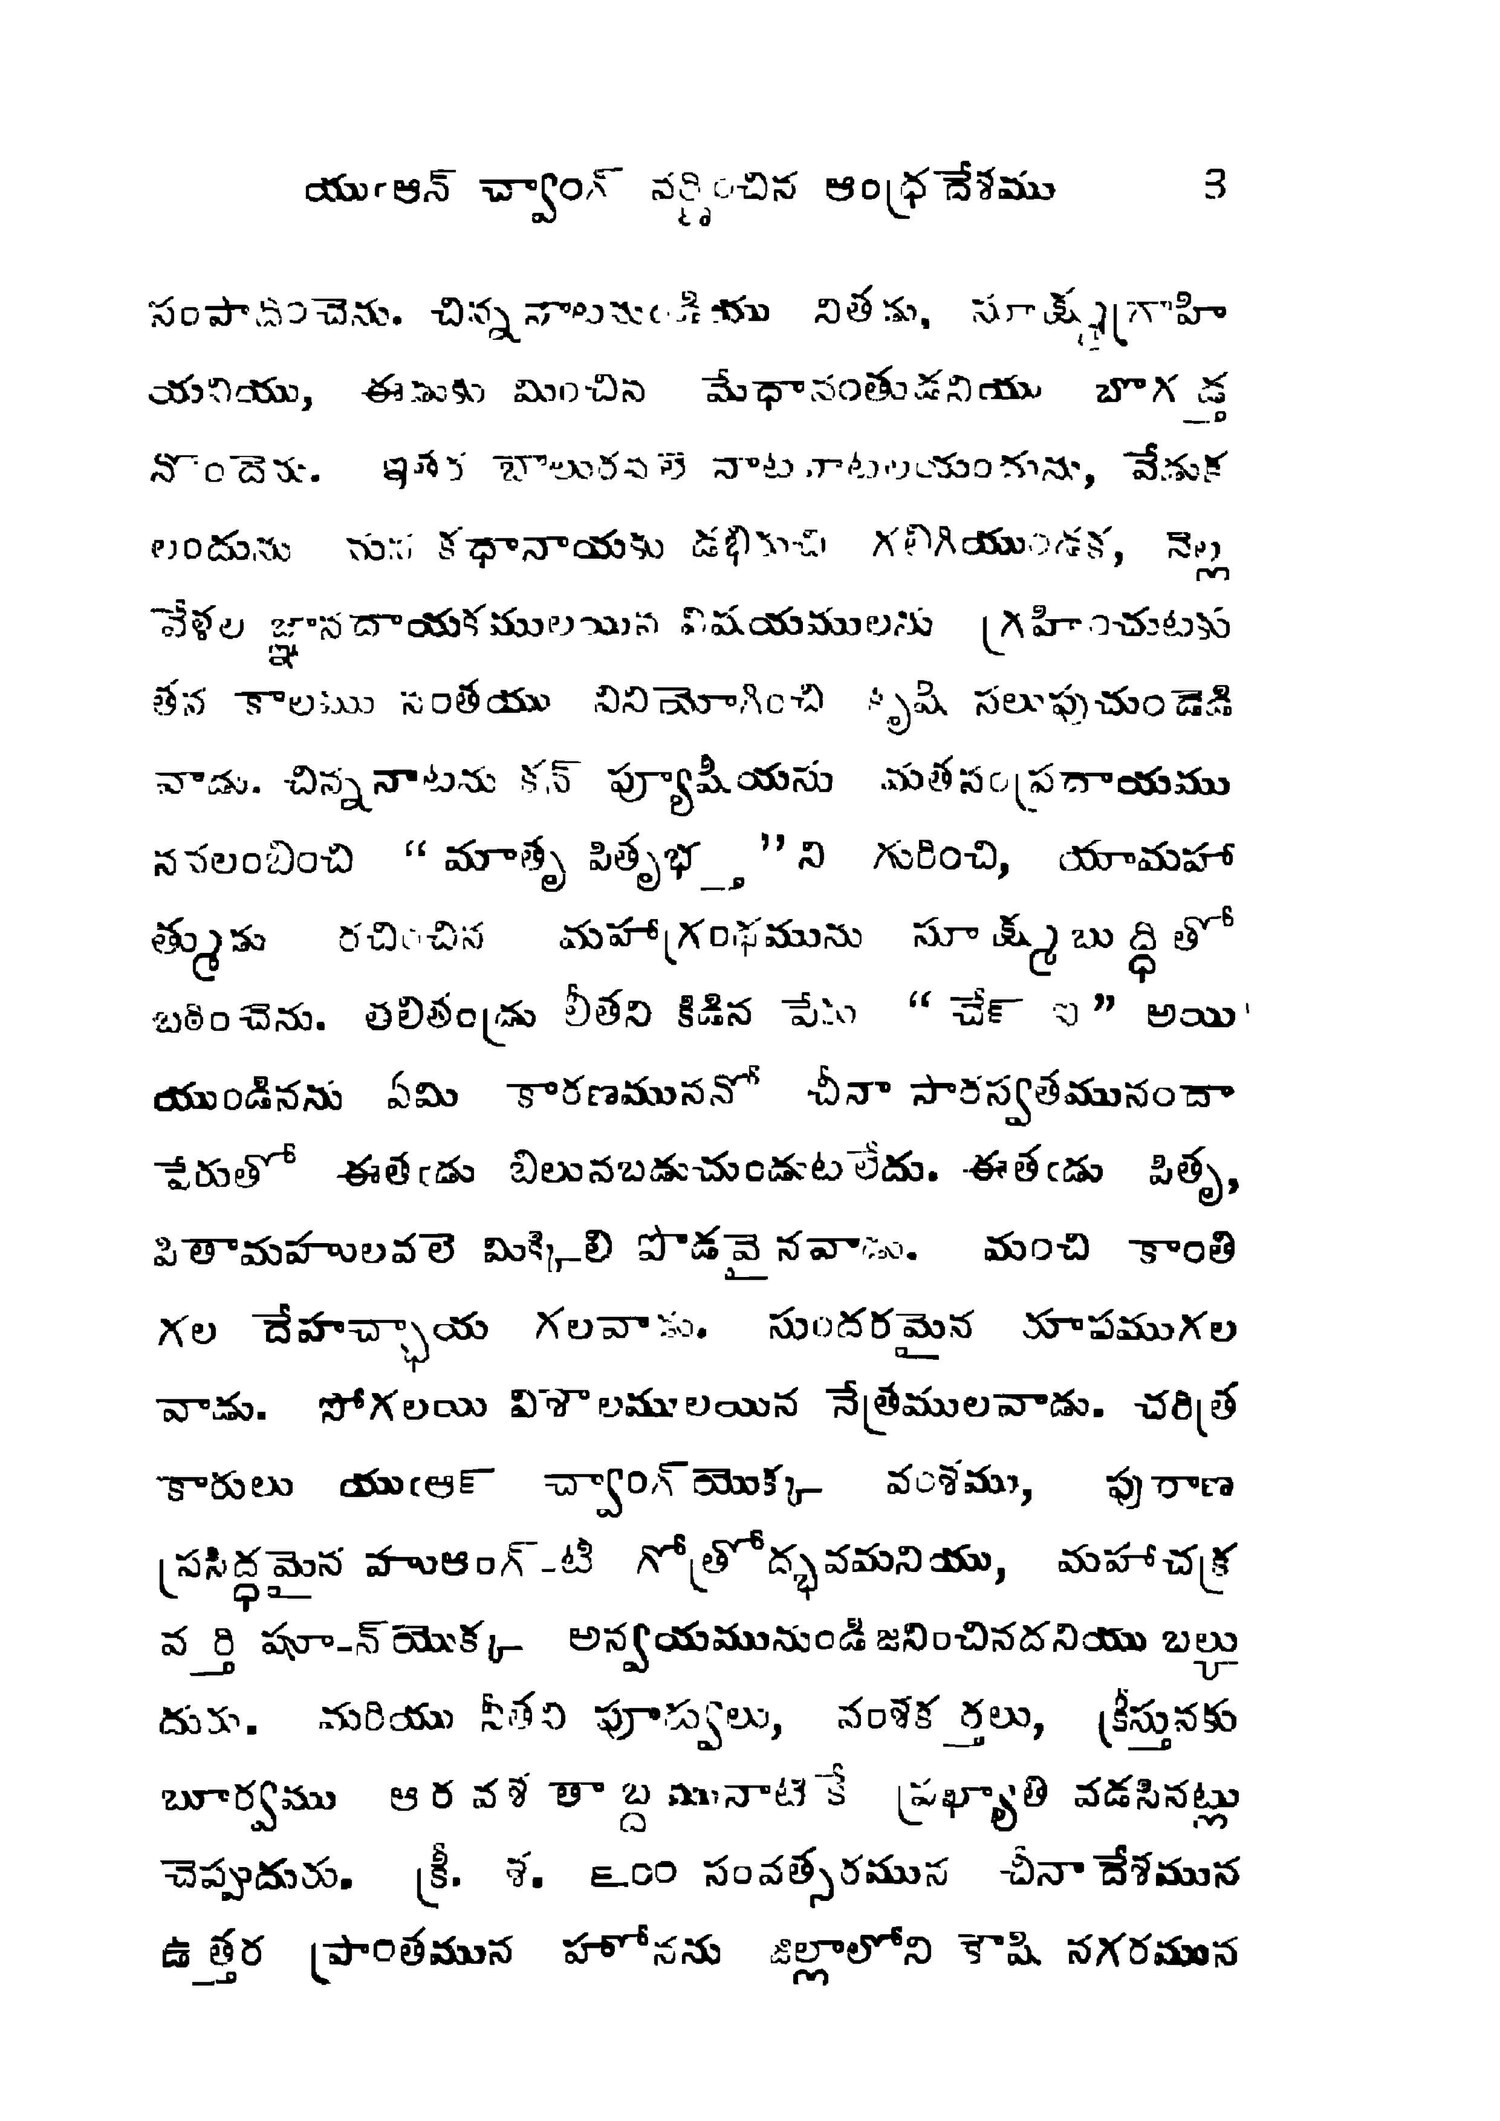సంపాదించెను. చిన్ననాటనుండియు నితడు, సూక్ష్మగ్రాహియనియు, ఈడుకు మించిన మేధావంతుడనియు బొగడ్త నొందెను. ఇతర బాలురవలె నాటపాటలయందును, వేడుకలందును మన కథానాయకు డభిరుచి గలిగియుండక, నెల్ల వేళల జ్ఞానదాయకములయిన విషయములను గ్రహించుటకు తన కాలము నంతయు వినియోగించి కృషి సలుపుచుండెడివాడు. చిన్ననాటను కన్‌ప్యూషియను మతసంప్రదాయము నవలంబించి "మాతృ పితృభక్తి" ని గురించి, యామహాత్ముడు రచించిన మహాగ్రంథమును సూక్ష్మబుద్ధితో బఠించెను. తల్లితండ్రులీతని కిడిన పేరు "చే౯ ఐ" అయి యుండినను ఏమి కారణముననో చీనా సారస్వతమునందా పేరుతో ఈతఁడు బిలువ బడుచుండుటలేదు. ఈతఁడు పితృ, పితామహులవలె మిక్కిలి పొడవైనవాడు. మంచికాంతి గల దేహచ్ఛాయ గలవాడు. సుందరమైన రూపము గలవాడు. సోగలయి విశాలములయిన నేత్రములవాడు. చరిత్రకారులు యుఁఆన్ చ్వాంగ్‌యొక్క వంశము, పురాణ ప్రసిద్ధమైన హూఅంగ్‌-టీ గోత్రోద్భవమనియు, మహాచక్రవర్తి షూ-న్‌ యొక్క అన్వయమునుండి జనించినదనియు బల్కుదురు. మరియు నీతని పూర్వులు, వంశకర్తలు, క్రీస్తునకు బూర్వము ఆరవశతాబ్దమునాటికే ప్రఖ్యాతి వడసినట్లు చెప్పుదురు. క్రీ. శ. ౬౦౦ సంవత్సరమున చీనాదేశమున ఉత్తర ప్రాంతమున హోనను జిల్లాలోని కౌషి నగరమున